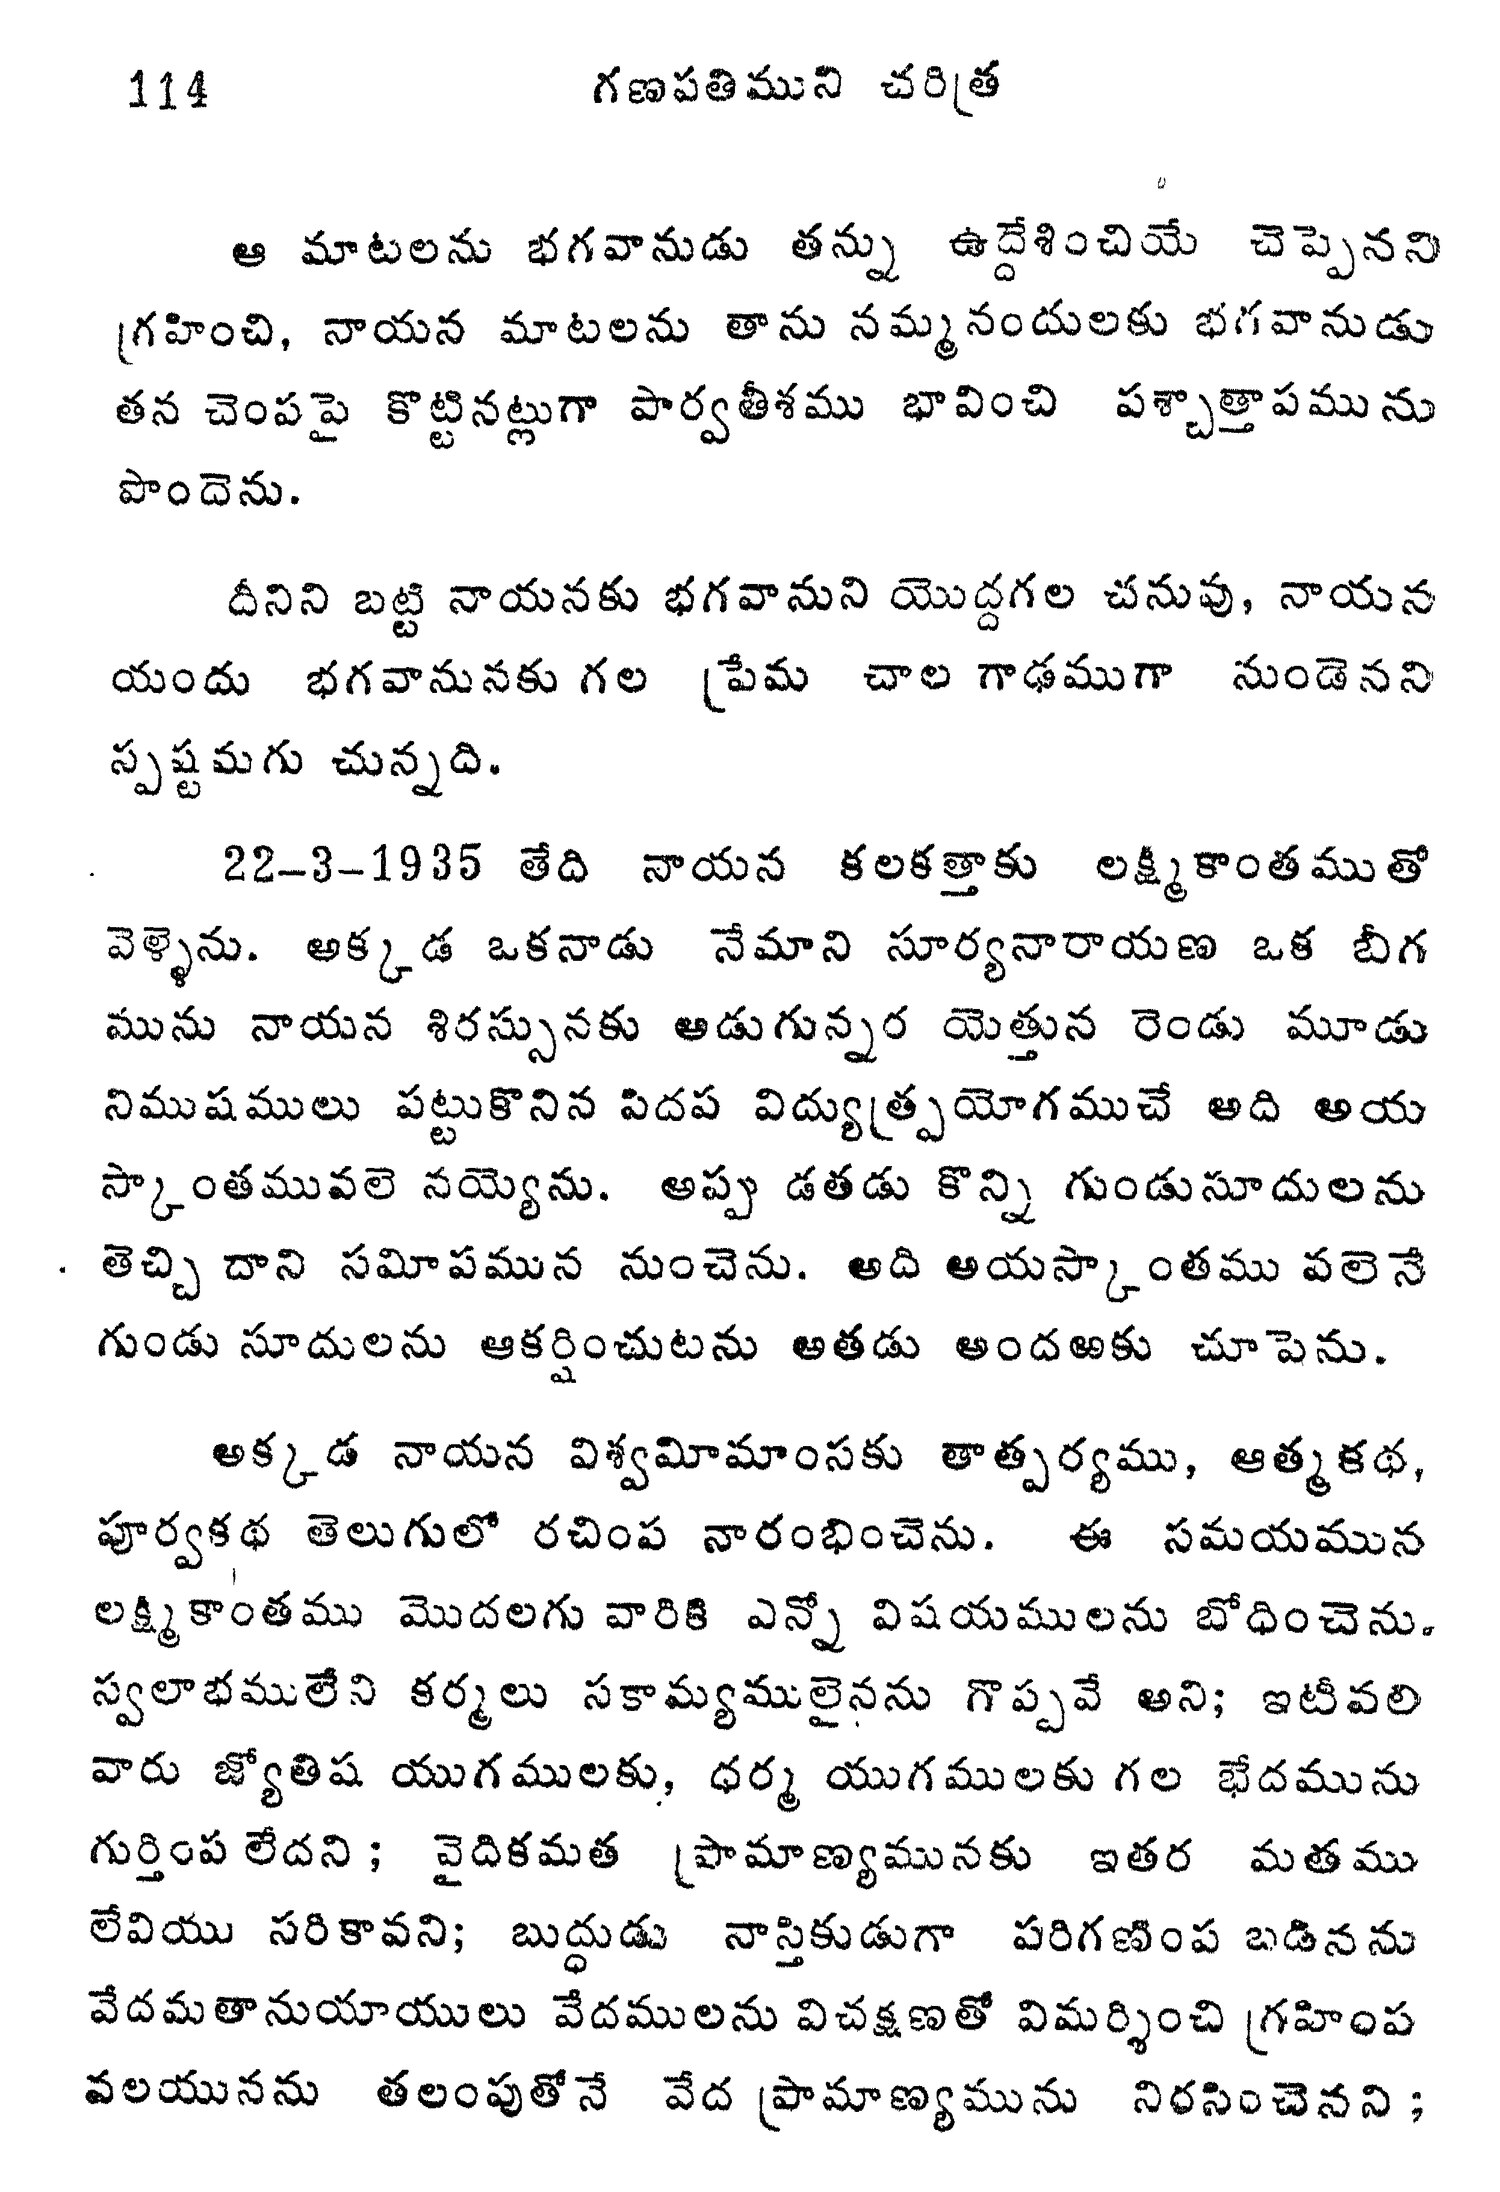ఆ మాటలను భగవానుడు తన్ను ఉద్దేశించియే చెప్పెనని గ్రహించి, నాయన మాటలను తాను నమ్మనందులకు భగవానుడు తన చెంపపై కొట్టినట్లుగా పార్వతీశము భావించి పశ్చాత్తాపమును పొందెను. 

దీనిని బట్టి నాయనకు భగవానుని యొద్దగల చనువు, నాయన యందు భగవానునకు గల ప్రేమ చాల గాఢముగా నుండెనని స్పష్టమగు చున్నది.

22-3-1935 తేది నాయన కలకత్తాకు లక్ష్మికాంతముతో వెళ్ళెను. అక్కడ ఒకనాడు నేమాని సూర్యనారాయణ ఒక బీగమును నాయన శిరస్సునకు అడుగున్నర యెత్తున రెండు మూడు నిముషములు పట్టుకొనిన పిదప విద్యుత్ర్పయోగముచే అది అయస్కాంతమువలె నయ్యెను. అప్పు డతడు కొన్ని గుండుసూదులను తెచ్చి దాని సమీపమున నుంచెను. అది అయస్కాంతము వలెనే గుండు సూదులను ఆకర్షించుటను అతడు అందఱకు చూపెను.

అక్కడ నాయన విశ్వమీమాంసకు తాత్పర్యము, ఆత్మకథ, పూర్వకథ తెలుగులో రచింప నారంభించెను. ఈ సమయమున లక్ష్మికాంతము మొదలగువారికి ఎన్నో విషయములను బోధించెను. స్వలాభములేని కర్మలు సకామ్యములైనను గొప్పవే అని; ఇటీవలి వారు జ్యోతిష యుగములకు, ధర్మ యుగములకు గల భేదమును గుర్తింపలేదని; వైదికమత ప్రామాణ్యమునకు ఇతర మతము లేవియు సరికావని; బుద్దుడు నాస్తికుడుగా పరిగణింప బడినను వేదమతానుయాయులు వేదములను విచక్షణముతో విమర్శించి గ్రహింప వలయునను తలంపుతోనే వేద ప్రామాణ్యమును నిరసించెనని;